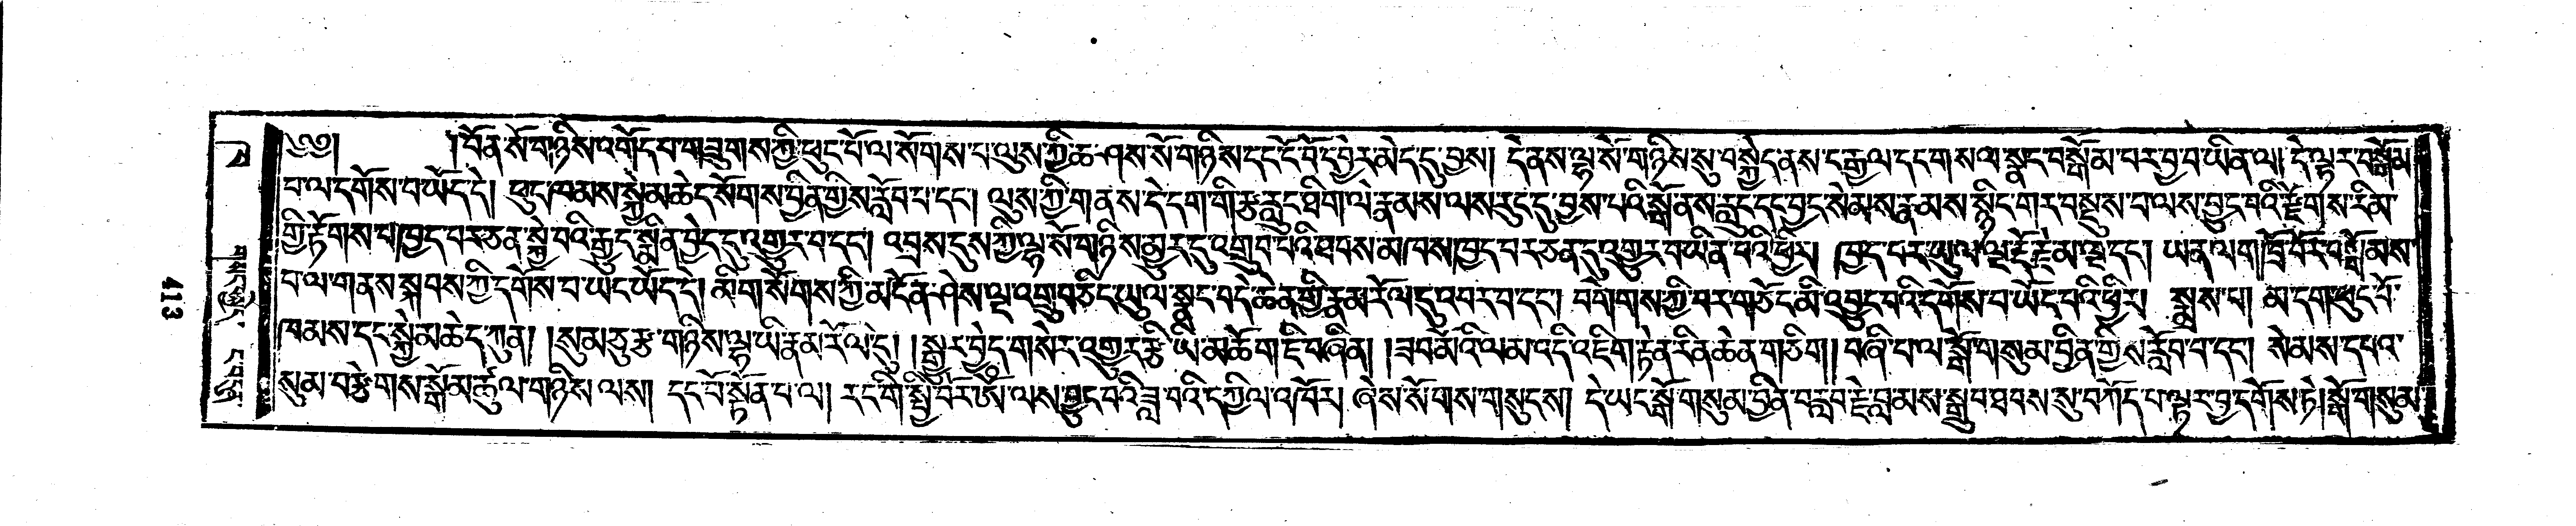༄༅། །བོན་སོ་གཉིས་འགོད་པ་གཟུགས་ཀྱི་ཕུང་པོ་ལ་སོགས་པ་ལུས་ཀྱི་ཆ་ཤས་སོ་གཉིས་དང་ངོ་བོ་དབྱེར་མེད་དུ་བྱས། དེ་ནས་ལྷ་མོ་གཉིས་སུ་བསྐྱེད་ནས་ང་རྒྱལ་དང་གསལ་སྣང་བསྒོམ་པར་བྱ་བ་ཡིན་ལ། དེ་ལྟར་བསྒོམ་
པ་ལ་དགོས་པ་ཡོད་དེ། ཕུང་ཁམས་སྐྱེ་མཆེད་སོགས་བྱིན་གྱིས་རློབ་པ་དང་། ལུས་ཀྱི་གནས་དེ་དག་གི་རྩ་ཀླུང་ཐིག་ལེ་རྣམས་ལས་རུང་དུ་བྱས་པའི་སྒོ་ནས་རླུང་དང་བྱང་སེམས་རྣམས་སྙིང་གར་བསྡུས་པ་ལས་བྱུང་བའི་རྫོགས་རིམ་
གྱི་རྟོགས་པ་ཁྱད་པར་ཅན་སྐྱེ་བའི་རྒྱུད་སྨིན་བྱེད་དུ་འགྱུར་བ་དང་། འབྲས་དུས་ཀྱི་ལྷ་སོ་གཉིས་མྱུར་དུ་འགྲུབ་པའི་ཐབས་མཁས་ཁྱད་པར་ཅན་དུ་འགྱུར་བ་ཡིན་པའི་ཕྱིར། ཁྱད་པར་ཡུལ་ལྔ་རྡོ་རྗེ་མ་ལྔ་དང་། ཡན་ལག་ཁྲོ་བོར་བསྒོམས་
པ་ལ་གནས་སྐབས་ཀྱི་དགོས་པ་ཡང་ཡོད་དེ། མིག་སོགས་ཀྱི་མངོན་ཤེས་ལྔ་འགྲུབ་ཅིང་ཡུལ་སྣང་བདེ་ཆེན་གྱི་རྣམ་རོལ་དུ་འབར་བ་དང་། བགེགས་ཀྱི་བར་གཅོད་མི་འབྱུང་བའི་དགོས་པ་ཡོད་པའི་ཕྱིར། སྨྲས་པ། མ་དག་ཕུང་པོ་
ཁམས་དང་སྐྱེ་མཆེད་ཀུན། །སུམ་ཅུ་རྩ་གཉིས་ལྷ་ཡི་རྣམ་རོལ་དུ། །སྒྱུར་བྱེད་གསེར་འགྱུར་རྩི་ཡི་མཆོག་ཇི་བཞིན། །ཟབ་མོའི་ལམ་འདི་འཇིག་རྟེན་རིན་ཆེན་གཅིག །བཞི་པ་ལ་སྒོ་གསུམ་བྱིན་གྱིས་རློབ་པ་དང་། སེམས་དཔའ་
སུམ་བརྩེགས་སྒོམ་ཚུལ་གཉིས་ལས། དང་པོ་སྟོན་པ་ལ། རང་གི་སྤྱི་བོར་ཨོཾ་ལས་བྱུང་བའི་ཟླ་བའི་དཀྱིལ་འཁོར། ཞེས་སོགས་གསུངས། དེ་ཡང་སྒོ་གསུམ་བྱིན་བརླབ་རྗེ་བླ་མས་སྒྲུབ་ཐབས་སུ་བཀོད་པ་ལྟར་བྱ་དགོས་ཏེ། སྒོ་གསུམ་